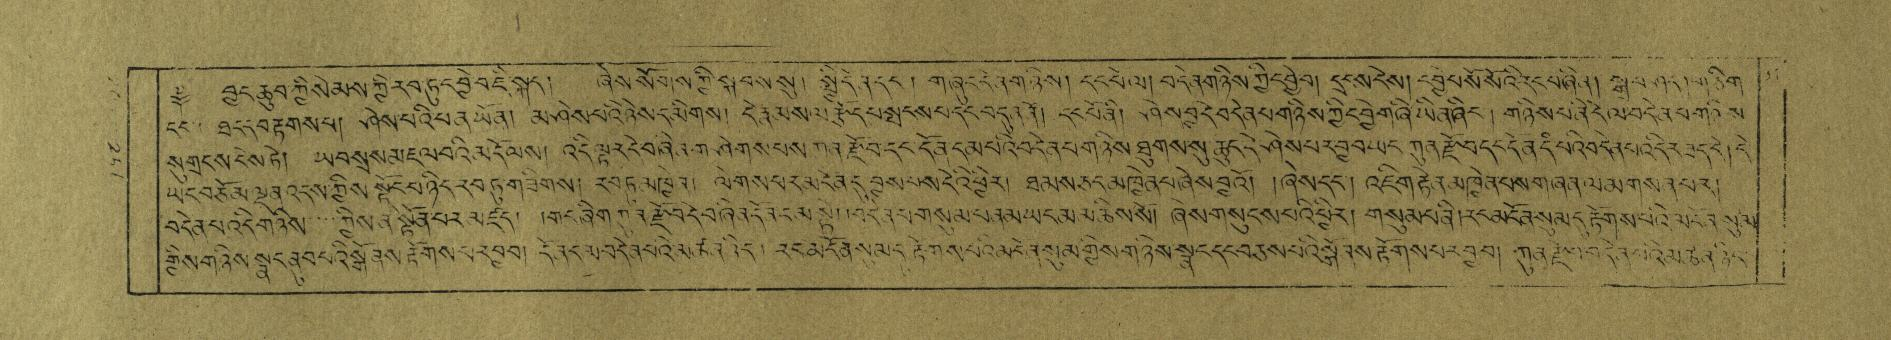༈ བྱང་ཆུབ་ཀྱི་སེམས་ཀྱི་རབ་ཏུ་དབྱེ་བ་ཇི་སྐད། ཞེས་སོགས་ཀྱི་སྐབས་སུ། སྤྱི་དོན་དང་། གཞུང་དོན་གཉིས། དང་པོ་ལ། བདེན་གཉིས་ཀྱི་དབྱེ་བ། དྲངས་ངེས། དབྱེ་པ་སོ་སོའི་རང་བཞིན། སྒྲ་བཤད། གཅིག་
དང་། ཐ་དད་བརྟགས་པ། ཤེས་པའི་ཕན་ཡོན། མ་ཤེས་པའི་ཉེས་དམིགས། དེ་རྣམས་ལ་རྩོད་པ་སྤངས་པ་དང་བདུན་ནོ། དང་པོ་ནི། ཤེས་བྱ་དེ་བདེན་པ་གཉིས་ཀྱི་དབྱེ་གཞི་ཡིན་ཞིང་། གཉིས་པ་ནི་དེ་ལ་བདེན་པ་གཉིས་
སུ་གྲངས་ངེས་ཏེ། ཡབ་སྲས་མཇལ་བའི་མདོ་ལས། འདི་ལྟར་དེ་བཞིན་གཤེགས་པས་ཀུན་རྫོབ་དང་དོན་དམ་པའི་བདེན་པ་གཉིས་ཐུགས་སུ་ཆུང་དེ་ཤེས་པར་བྱ་བ་ཡང་ཀུན་རྫོབ་དང་དོན་དཾ་པའི་བདེན་པ་འདིར་ཟད་དེ། དེ་
ཡང་བཅོམ་ལྡན་འདས་ཀྱིས་སྟོང་པ་ཉིད་རབ་ཏུ་གཟིགས། རབ་ཏུ་མཁྱེན། ལེགས་པར་མངོན་དུ་བྱས་པས་དེའི་ཕྱིར། ཐམས་ཅད་མཁྱེན་པ་ཞེས་བྱའོ། །ཞེས་དང་། འཇིག་རྟེན་མཁྱེན་པས་གཞན་ལ་མ་གསན་པར།
བདེན་པ་འདི་གཉིས་ཀྱིས་ནི་སྟོན་པར་མཛད། །གང་ཞིག་ཀུན་རྫོབ་དེ་བཞིན་དོན་དམ་སྟེ། །བདེན་པ་གསུམ་པ་ནམ་ཡང་མ་མཆིས་སོ། ཞེས་གསུངས་པའི་ཕྱིར། གསུམ་པ་ནི། རང་མངོན་སུམ་དུ་རྟོགས་པའི་མངོན་སུམ་
གྱིས་གཉིས་སྣང་ནུབ་པའི་སྒོ་ནས་རྟོགས་པར་བྱ་བ། དོན་དམ་བདེན་པའི་མཚན་ཉིད། རང་མངོན་སུམ་དུ་རྟོགས་པའི་མངོན་སུམ་གྱིས་གཉིས་སྣང་དང་བཅས་པའི་སྒོ་ནས་རྟོགས་པར་བྱ་བ། ཀུན་རྫོབ་བདེན་པའི་མཚན་ཉིད་